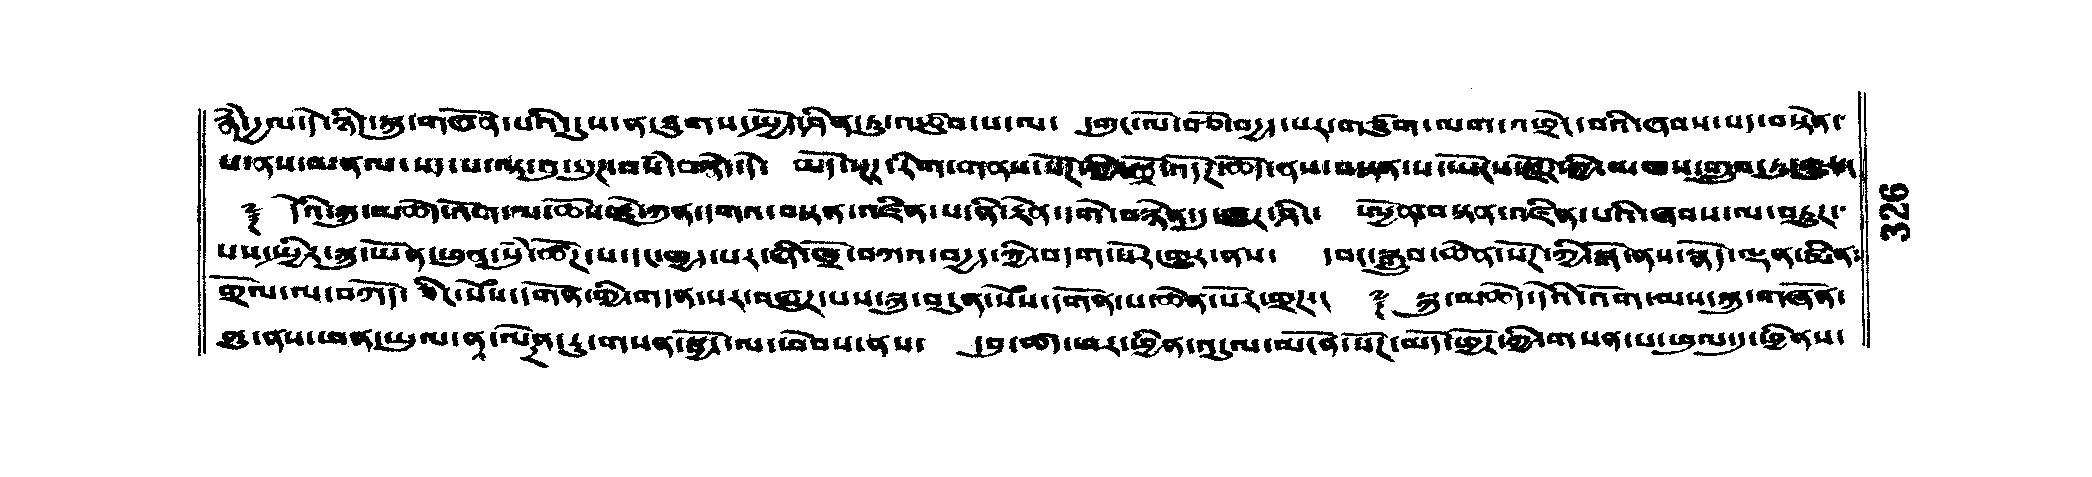རྣམ་རྒྱལ་དེ་ཉིད་སྐུ་གཞོན་པའི་དུས་ན་ཐུགས་སྤྱོད་ཤིན་ཏུ་འཚུབ་པ་ལ། དགུང་ལོ་བཅོ་བརྒྱད་པར་གཙུག་ལག་འཕྲེང་བའི་ཞབས་པད་བསྟེན་
པ་ནས་མནལ་སད་པ་ལྟ་བུ་ཐུགས་བསམ་བརྙེད་དེ། མདོ་སྔགས་རིག་གནས་སོགས་ཀྱི་སྒྲོ་འདོགས་ཆོད་ནས་བསྟན་པ་ཡོངས་རྫོགས་ཀྱི་མཁས་གྲུབ་ཏུ་གྱུར། 
༈ དེའི་སྐུ་མཆེད་འོག་མ་ཆོས་རྗེ་ཀུན་དགའ་བསྟན་འཛིན་པ་ནི་རྟེན་དགེ་བསྙེན་དུ་ཞུགས་ཤིང་། ཨོ་རྒྱན་བསྟན་འཛིན་པའི་ཞབས་ལ་བཏུགས་
པས་སྤྱིར་སྐུ་ཡོན་ཕུན་སུམ་ཚོགས་པ་དང་ཁྱད་པར་ཞི་ཁྲོ་བཀའ་བརྒྱད་ཀྱི་བདག་པོར་གྱུར་ནས། དབང་སྒྲུབ་ཆེན་སོགས་ཀྱི་སྒོ་ནས་སྣོད་ལྡན་སྨིན
གྲོལ་ལ་བཀོད་ཅིང་སེམས་དགོན་གྱི་གདན་སར་བཞུགས་པས་སྐུ་མདུན་སེམས་དགོན་པ་ཆེན་པོར་གྲགས། ༈ སྐུ་མཆེད་དེའི་འོག་མས་སྐུ་གཞོན་
ནུ་ནས་ཕན་ཡུལ་ནཱ་ལེནྡྲ་རུ་གསན་སྦྱོང་ལ་ཕེབས་ནས། དབུ་ཚད་ཕར་ཕྱིན་འདུལ་མངོན་སོགས་མདོ་ཕྱོགས་ཀྱི་གསན་པ་ཕུལ་དུ་ཕྱིན་ནས་